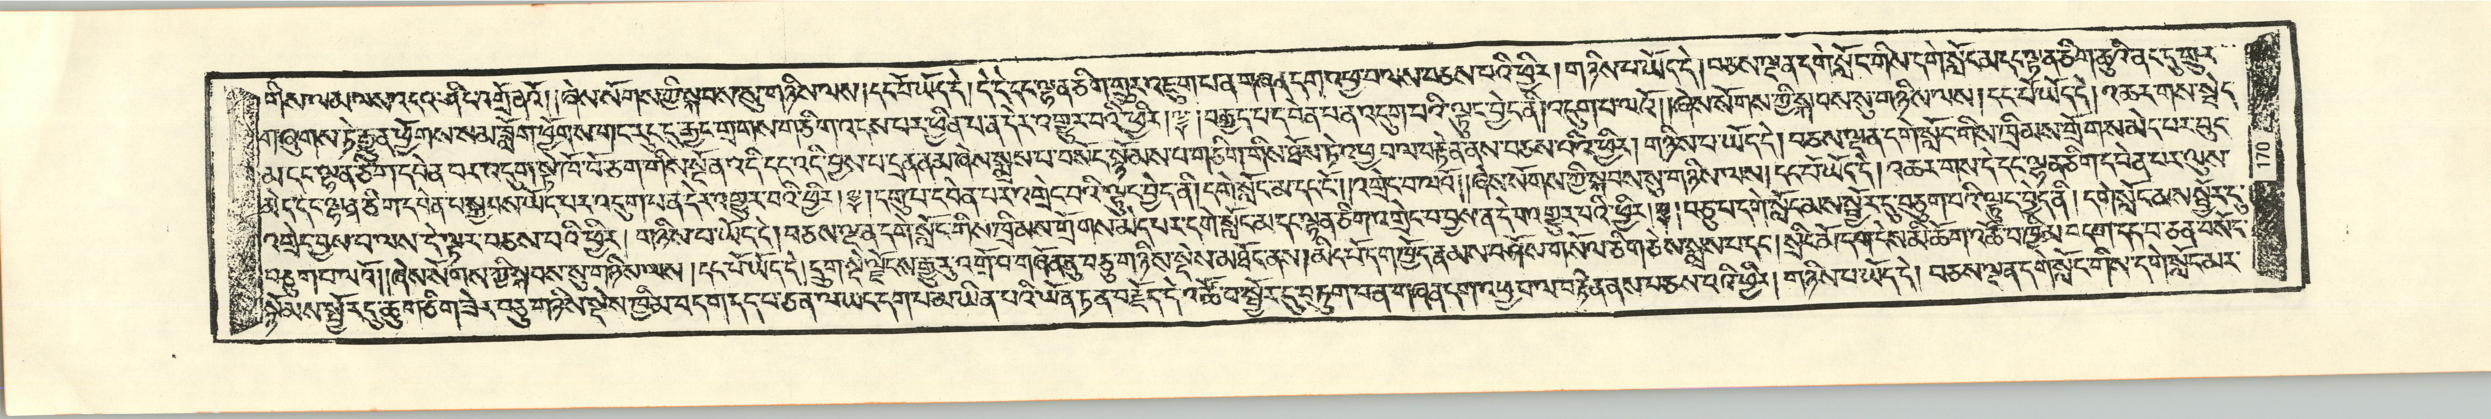གིས་ལམ་ལས་འདའ་ཤིང་འགྲོ་ནའོ། །ཞེས་སོགས་ཀྱི་སྐབས་སུ་གཉིས་ལས། དང་པོ་ཡོད་དེ། དེ་དེ་དང་ལྷན་ཅིག་གྲུར་འཇུག་པ་ན་གཞན་དག་འཕྱ་བ་ལས་བཅས་པའི་ཕྱིར། གཉིས་པ་ཡོད་དེ། བཅས་ལྡན་དགེ་སློང་གིས་དགེ་སློང་མ་དང་ལྷན་ཅིག་ཆུའི་ནང་དུ་གྲུར་
གཞུགས་ཏེ་རྒྱུན་ཕྱོགས་སམ་ཟློག་ཕྱོགས་གང་རུང་དུ་རྒྱང་གྲགས་གཅིག་འདས་པར་ཕྱིན་པ་ན་དེར་འགྱུར་བའི་ཕྱིར། ༈ །བརྒྱད་པ་དཔེན་པ་ན་འདུག་པའི་ལྟུང་བྱེད་ནི། འདུག་པ་ལའོ། །ཞེས་སོགས་ཀྱི་སྐབས་སུ་གཉིས་ལས། དང་པོ་ཡོད་དེ། འཆར་གས་སྦེད་
མ་དང་ལྷན་ཅིག་དཔེན་བར་འདུག་སྟེ་ཁོ་བོ་ཅག་གིས་སྔོན་འདི་དང་འདི་བྱས་པ་དྲན་ནམ་ཞེས་སྨྲས་པ་བསོད་སྙོམས་པ་གཅིག་གིས་ཐོས་ཏེ་འཕྱ་བ་ལ་བརྟེན་ནས་བཅས་པའི་ཕྱིར། གཉིས་པ་ཡོད་དེ། བཅས་ལྡན་དགེ་སློང་གིས་ཁྲིམས་གྲོགས་མེད་པར་བུད་
མེད་དང་ལྷན་ཅིག་དཔེན་བ་སྐྱབས་ཡོད་པར་འདུག་པ་ན་དེར་འགྱུར་བའི་ཕྱིར། ༈ །དགུ་པ་དཔེན་པར་འགྲེང་བའི་ལྟུང་བྱེད་ནི། དགེ་སློང་མ་དང་ངོ། །འགྲེང་བ་ལའོ། །ཞེས་སོགས་ཀྱི་སྐབས་སུ་གཉིས་ལས། དང་པོ་ཡོད་དེ། འཆར་གས་དེ་དང་ལྷན་ཅིག་དཔེན་པར་ལུས་
འགྲེང་བྱས་པ་ལས་དེ་ལྟར་བཅས་པའི་ཕྱིར། གཉིས་པ་ཡོད་དེ། བཅས་ལྡན་དགེ་སློང་གིས་ཁྲིམས་གྲོགས་མེད་པར་དགེ་སློང་མ་དང་ལྷན་ཅིག་འགྲེང་བ་བྱས་ན་དེ་བ་འགྱུར་བའི་ཕྱིར། ༈ །བཅུ་པ་དགེ་སློང་མས་སྦྱོར་དུ་བཅུག་པའི་ལྟུང་བྱེད་ནི། དགེ་སློང་མས་སྦྱོར་དུ་
བཅུག་པ་ལའོ། །ཞེས་སོགས་ཀྱི་སྐབས་སུ་གཉིས་ལས། དང་པོ་ཡོད་དེ། དྲུག་སྡེ་ལྗོངས་རྒྱུ་རུ་འགྲོ་བ་གཞོན་ནུ་བཅུ་གཉིས་སྡེས་མཐོང་ནས། མིང་པོ་དག་ཁྱོད་རྣམས་བཤོས་གསོལ་ཅིག་ཅེས་སྨྲས་པ་དང་། སྲིང་མོ་དག་དེས་མི་ཆོག་འཚོ་བ་ཁྱིམ་བདག་དང་བ་ཅན་བསོང་
སྙོམས་སྦྱོར་དུ་ཆུ་གཅིག་ཟེར་བཅུ་གཉིས་སྡེས་ཁྱིམ་བདག་དད་པ་ཅན་ལ་ཡང་དག་པ་མ་ཡིན་པའི་ཡོན་ཏན་བརྗོད་དེ་འཚོ་བ་སྦྱོར་དུ་བཏུག་པ་ན་གཞན་དག་འཕྱ་བ་ལ་བརྟེན་ནས་བཅས་པའི་ཕྱིར། གཉིས་པ་ཡོད་དེ། བཅས་ལྡན་དགེ་སློང་གིས་དགེ་སློང་མར་